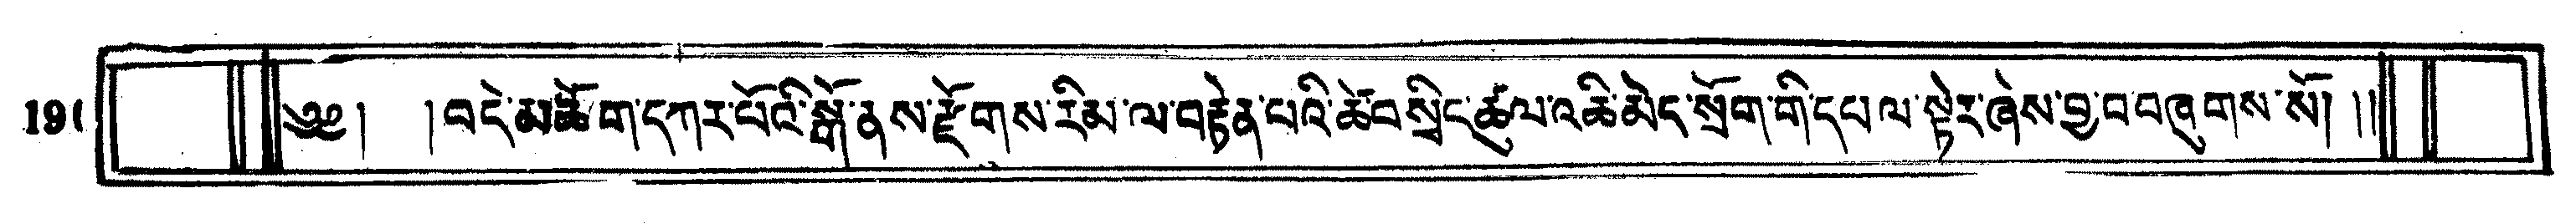༄༅། །བདེ་མཆོག་དཀར་པོའི་སྒོ་ནས་རྫོགས་རིམ་ལ་བརྟེན་པའི་ཚེ་བསྲིང་ཚུལ་འཆི་མེད་སྲོག་གི་དཔལ་སྟེར་ཞེས་བྱ་བ་བཞུགས་སོ། །།